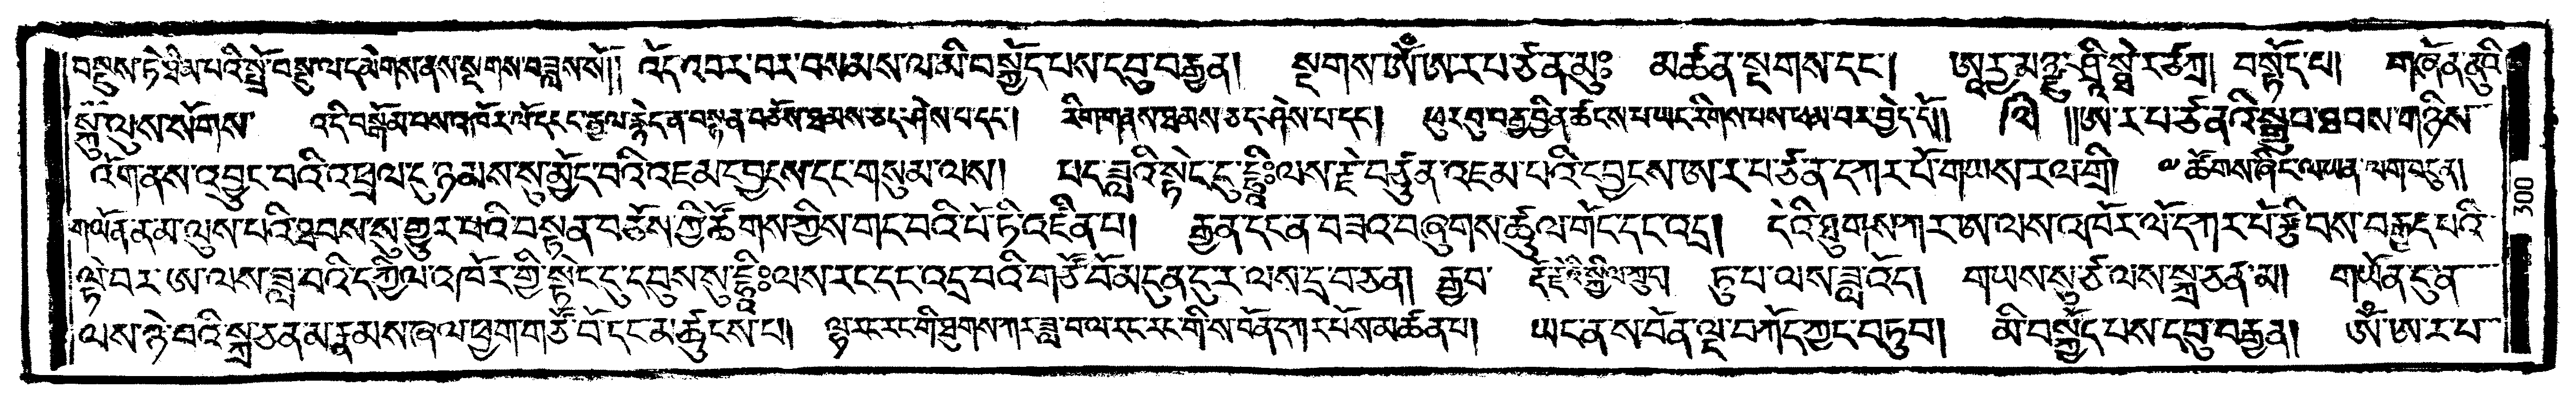བསྡུས་ཏེ་ཐིམ་པའི་སྤྲོ་བསྡུ་ལ་དམིགས་ནས་སྔགས་བཟླས་སོ།། འོད་འབར་བར་བསམས་ལ་མི་བསྐྱོད་པས་དབུ་བརྒྱན། སྔགས་ཨོཾ་ཨ་ར་པ་ཙ་ན་མུཿ མཚན་སྔགས་དང་། ཨཱརྱ་མཉྫུ་ཤྲཱི་སྠེ་ར་ཙཀྲ། བསྟོད་པ། གཞོན་ནུའི་
སྐུ་ལུས་སོགས་འདི་བསྒོམ་པས་འཁོར་ལོ་དང་རྒྱལ་རྙེད་ན་བསྟན་བཅོས་ཐམས་ཅད་ཤེས་པ་དང་། རིག་གནས་ཐམས་ཅད་ཤེས་པ་དང་། ཕུར་བུ་བརྒྱ་བྱིན་ཚངས་པ་ཡང་རིགས་པས་ཕམ་བར་བྱེད་དོ།། ༢?་།།ཨ་ར་པ་ཙ་ནའི་སྒྲུབ་ཐབས་གཉིས་
འོག་ནས་འབྱུང་བའི་འཕྲལ་དུ་ཉམས་སུ་མྱོང་བའི་འཇམ་དབྱངས་དང་གསུམ་ལས། པད་ཟླའི་སྟེང་དུ་དྷཱིཿལས་རྗེ་བཙུན་འཇམ་པའི་དབྱངས་ཨ་ར་པ་ཙ་ན་དཀར་པོ་གཡས་རལ་གྲི། ༧་ཚོགས་ཞིང་ལ་ཡན་ལག་བདུན།
གཡོན་ནམ་ལུས་པའི་ཐབས་སུ་གྱུར་པའི་བསྟན་བཅོས་ཀྱི་ཚོགས་ཀྱིས་གང་བའི་པོ་ཏི་འཛིན་པ། རྒྱན་དང་ན་བཟའ་བཞུགས་ཚུལ་རྡོ་རྗེའི་སྐྱིལ་ཀྲུང་།  གོང་དང་འདྲ། དེའི་ཐུགས་ཀར་ཨ་ལས་འཁོར་ལོ་དཀར་པོ་རྩིབས་བརྒྱད་པའི་
ལྟེ་བར་ཨ་ལས་ཟླ་བའི་དཀྱིལ་འཁོར་གྱི་སྟེང་དུ་དབུས་སུ་དྷཱིཿལས་རང་དང་འདྲ་བའི་གཙོ་བོ་མདུན་དུར་ལས་དྲ་བ་ཅན། རྒྱབ་ཏུ་པ་ལས་ཟླ་འོད། གཡས་སུ་ཙ་ལས་སྐྲ་ཅན་མ། གཡོན་དུ་ན་
ལས་ཉེ་བའི་སྐྲ་ཅན་མ་རྣམས་ཞལ་ཕྱག་གཙོ་བོ་དང་མཚུངས་པ། ལྷ་རང་རང་གི་ཐུགས་ཀར་ཟླ་བ་ལ་རང་རང་གི་ས་བོན་དཀར་པོས་མཚན་པ། ཡང་ན་ས་བོན་ལྔ་བཀོད་ཀྱང་བཏུབ། མི་བསྐྱོད་པས་དབུ་བརྒྱན། ཨོཾ་ཨ་ར་པ་